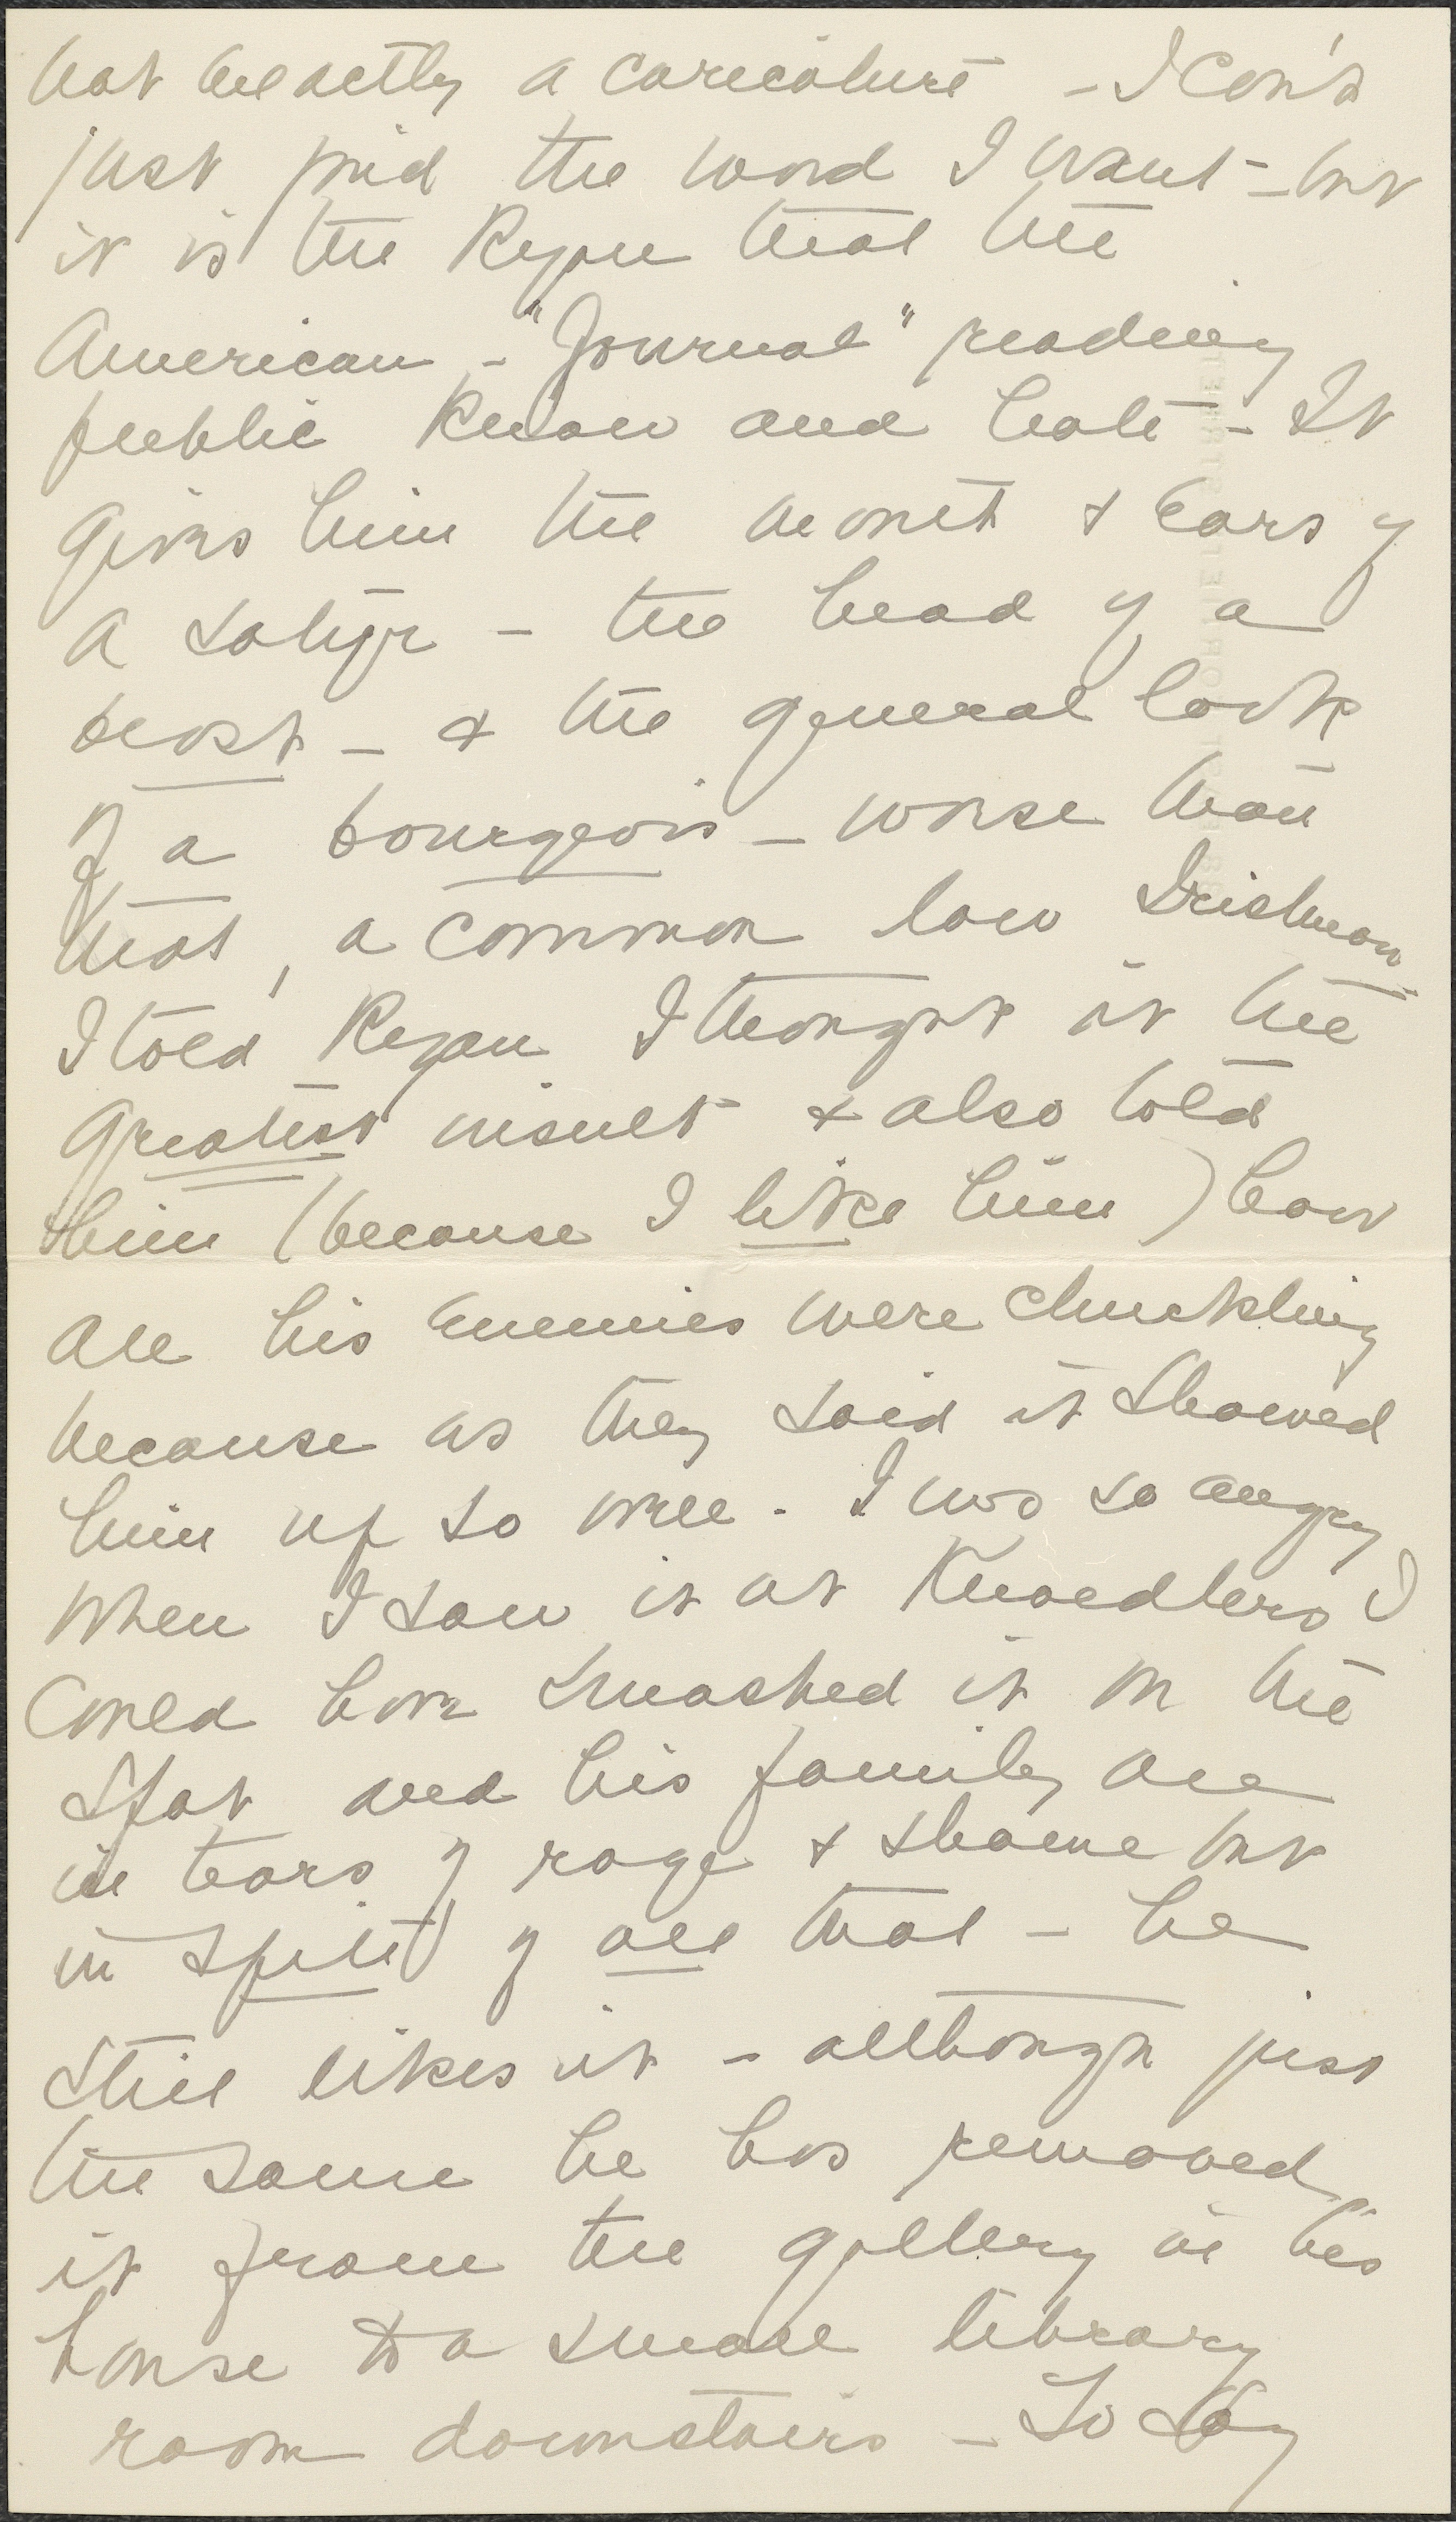not exactly a caricature – I can’t just find the word I want – but it is the Ryan that the American-“Journal” reading public know and hate – It gives him the mouth & ears of a satyr – the head of a beast – & the general look of a bourgeois – worse than that, a common law Irishman I told Ryan I thought it the [double underlined: greatest] insult & also told him (because I like him) how all his enemies were chuckling because as they said it showed him up so well. I was so angry when I saw it at Knoedlers I could have smashed it on the spot and his family are in tears of rage & shame but in spite of all that – her still likes it – although just the same he has removed it from the gallery in his house to a small library room downstairs – To say